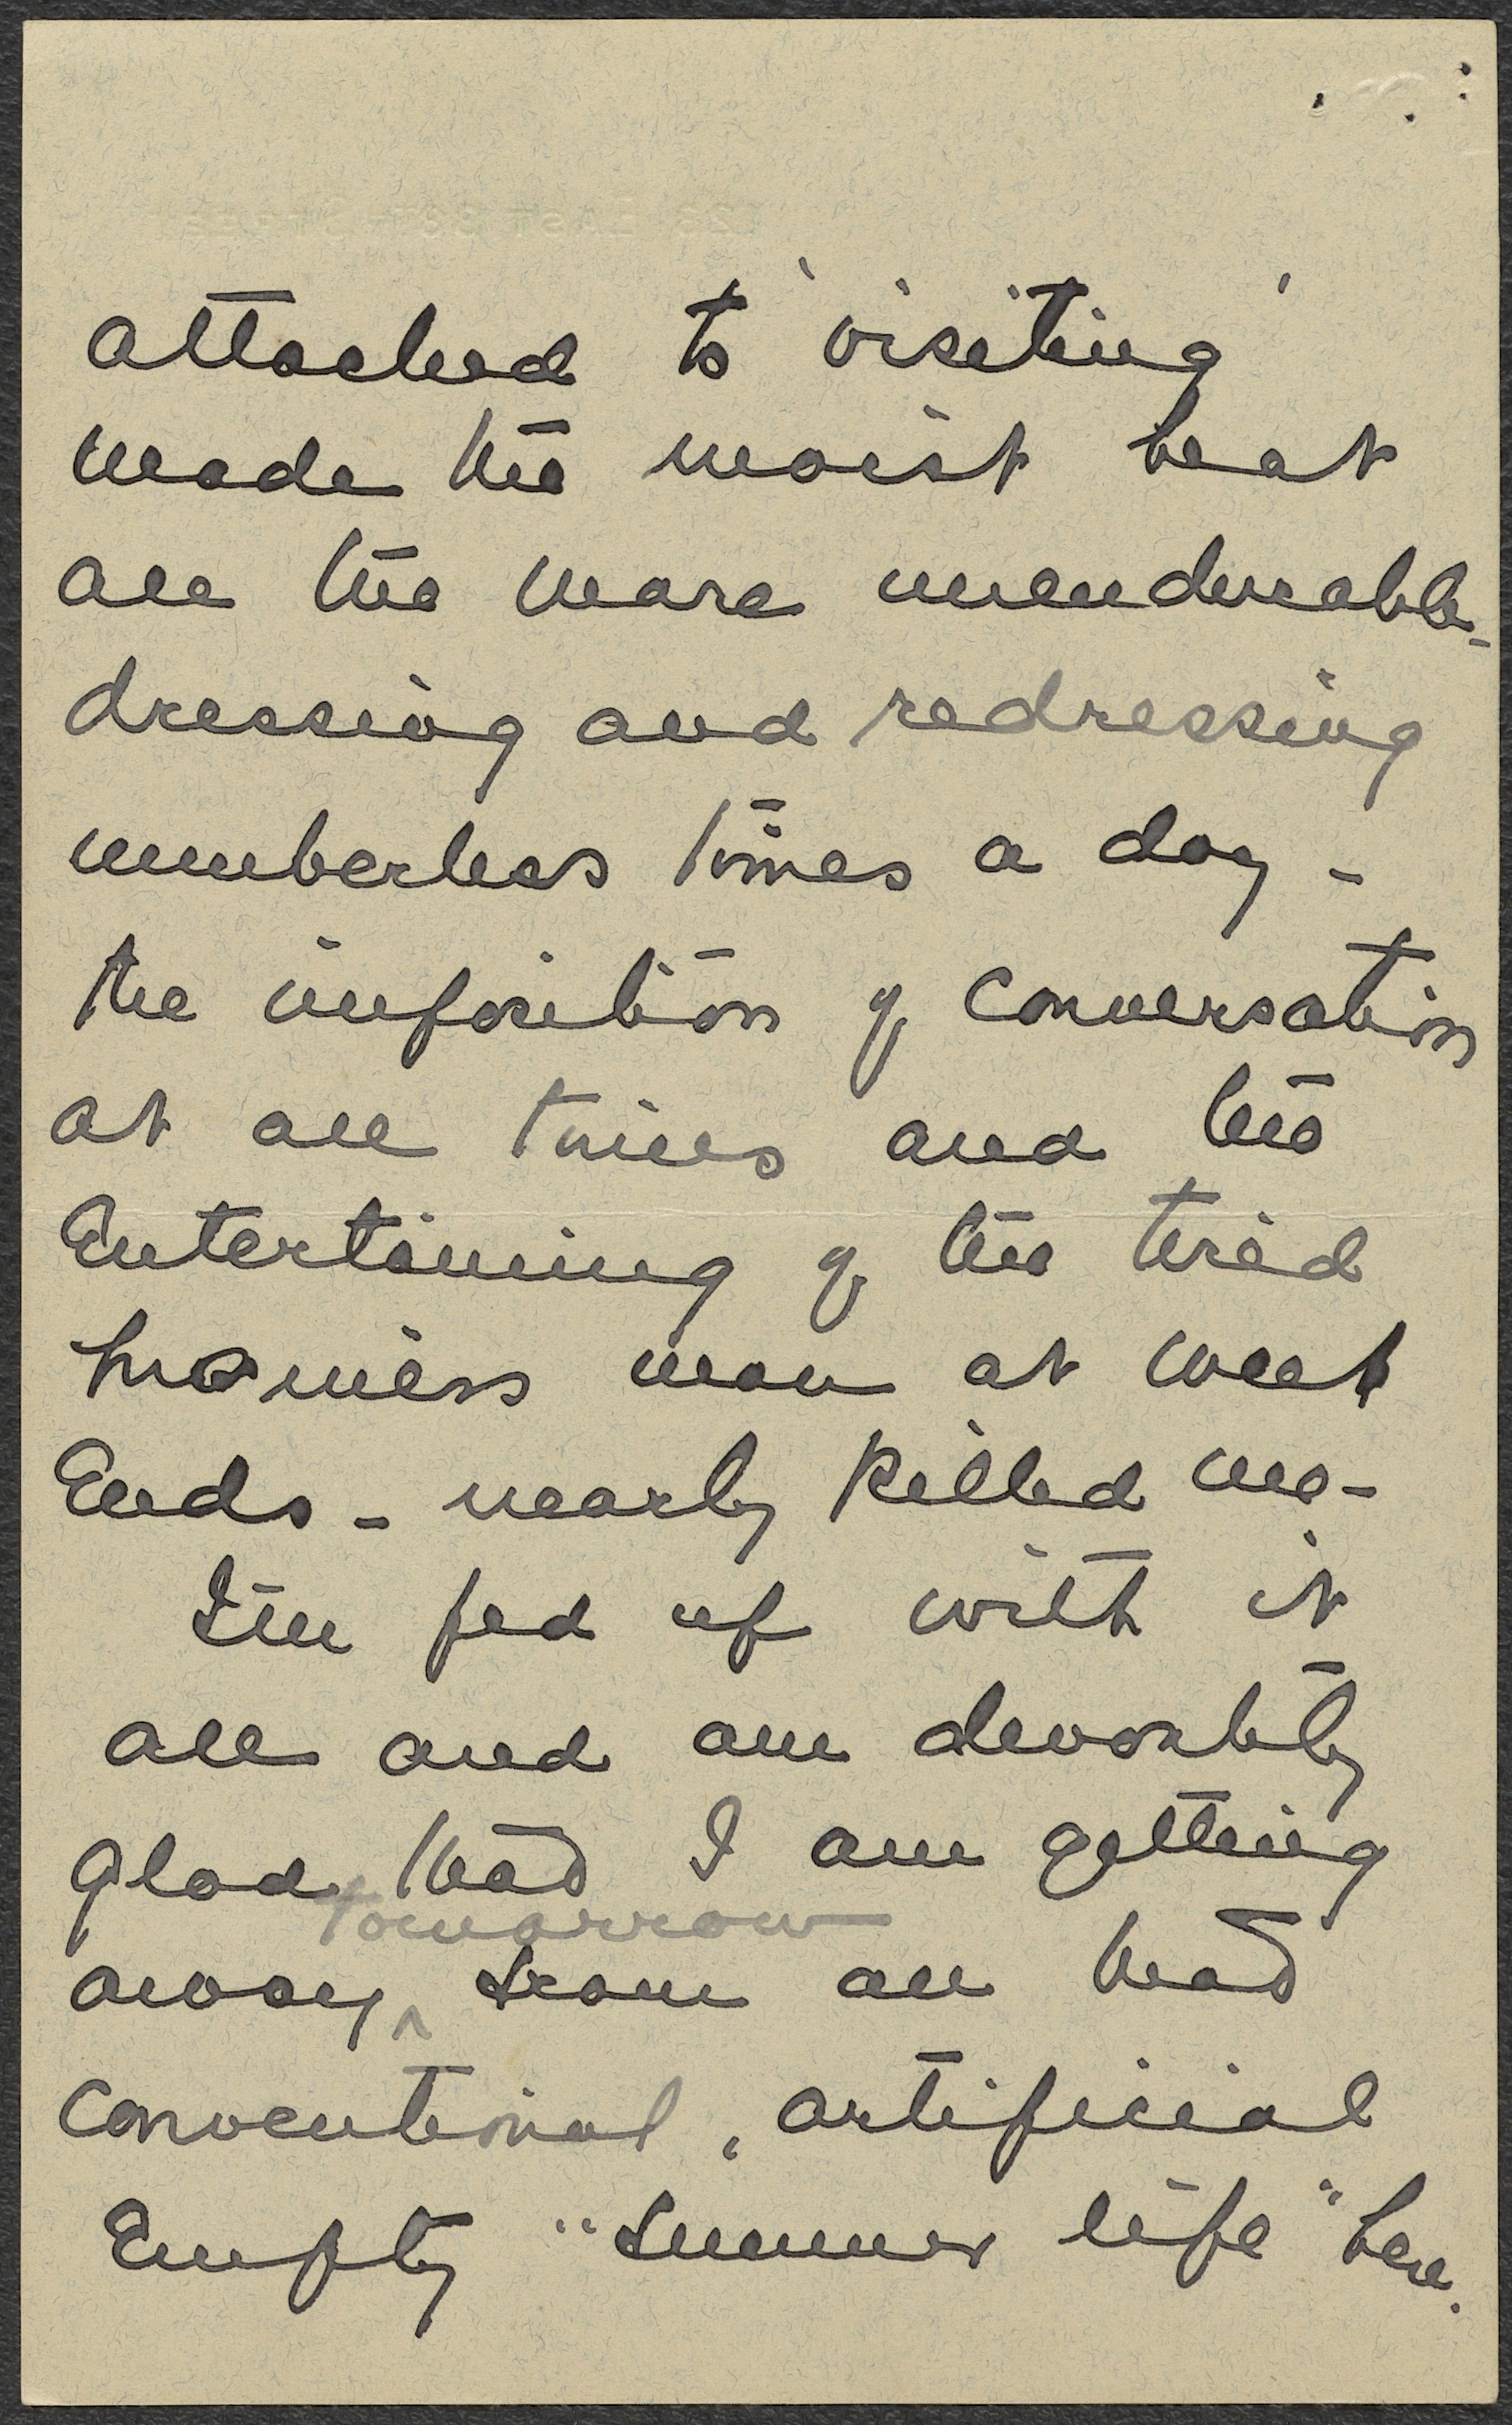attached to ‘visiting’ made the moist heat all the more unendurable – dressing and redressing numberless times a day – the imposition of conversation at all times and the entertaining of the tired business man at week ends – nearly killed me –
I’m fed up with it all and am devoutly glad that I am getting away [^tomorrow^] from all that conventional, artificial empty “summer life” here.